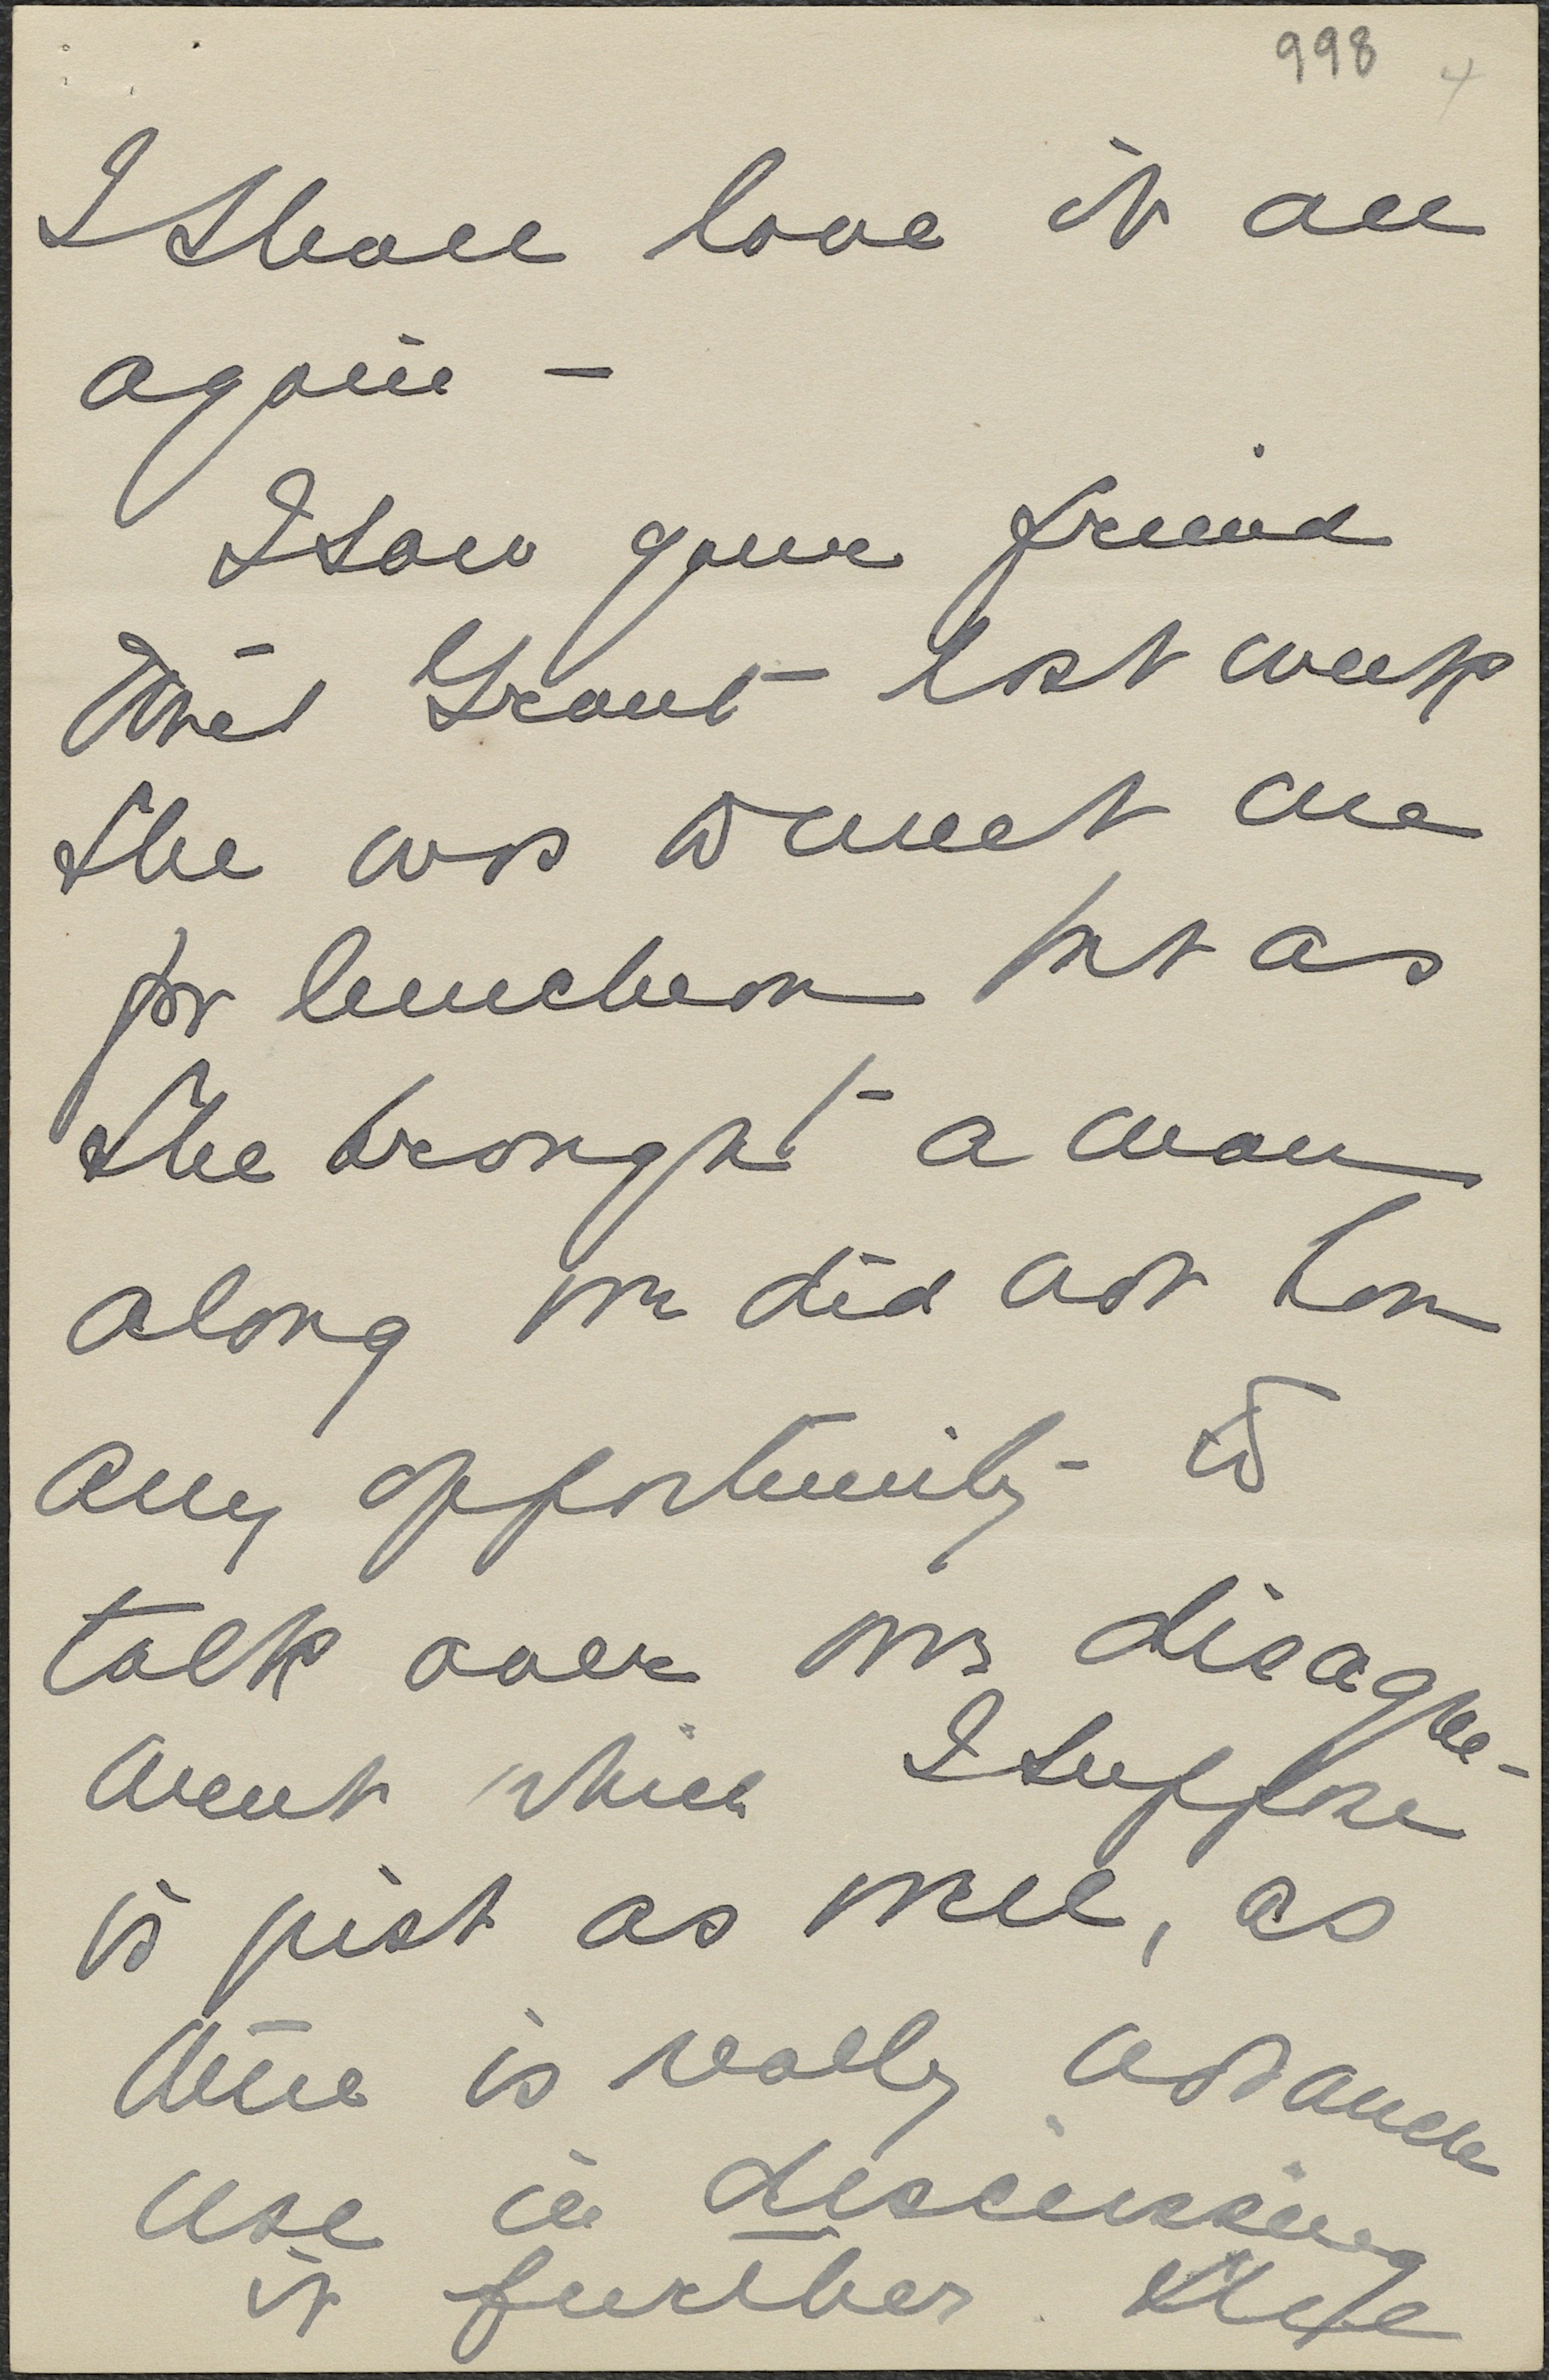I shall love it all again –
I saw your friend Ethel Grant last week she was to meet me for luncheon but as she brought a man along we did not have any opportunity to talk over our disagreement which I suppose is just as well, as there is really not much use in discussing it further. She